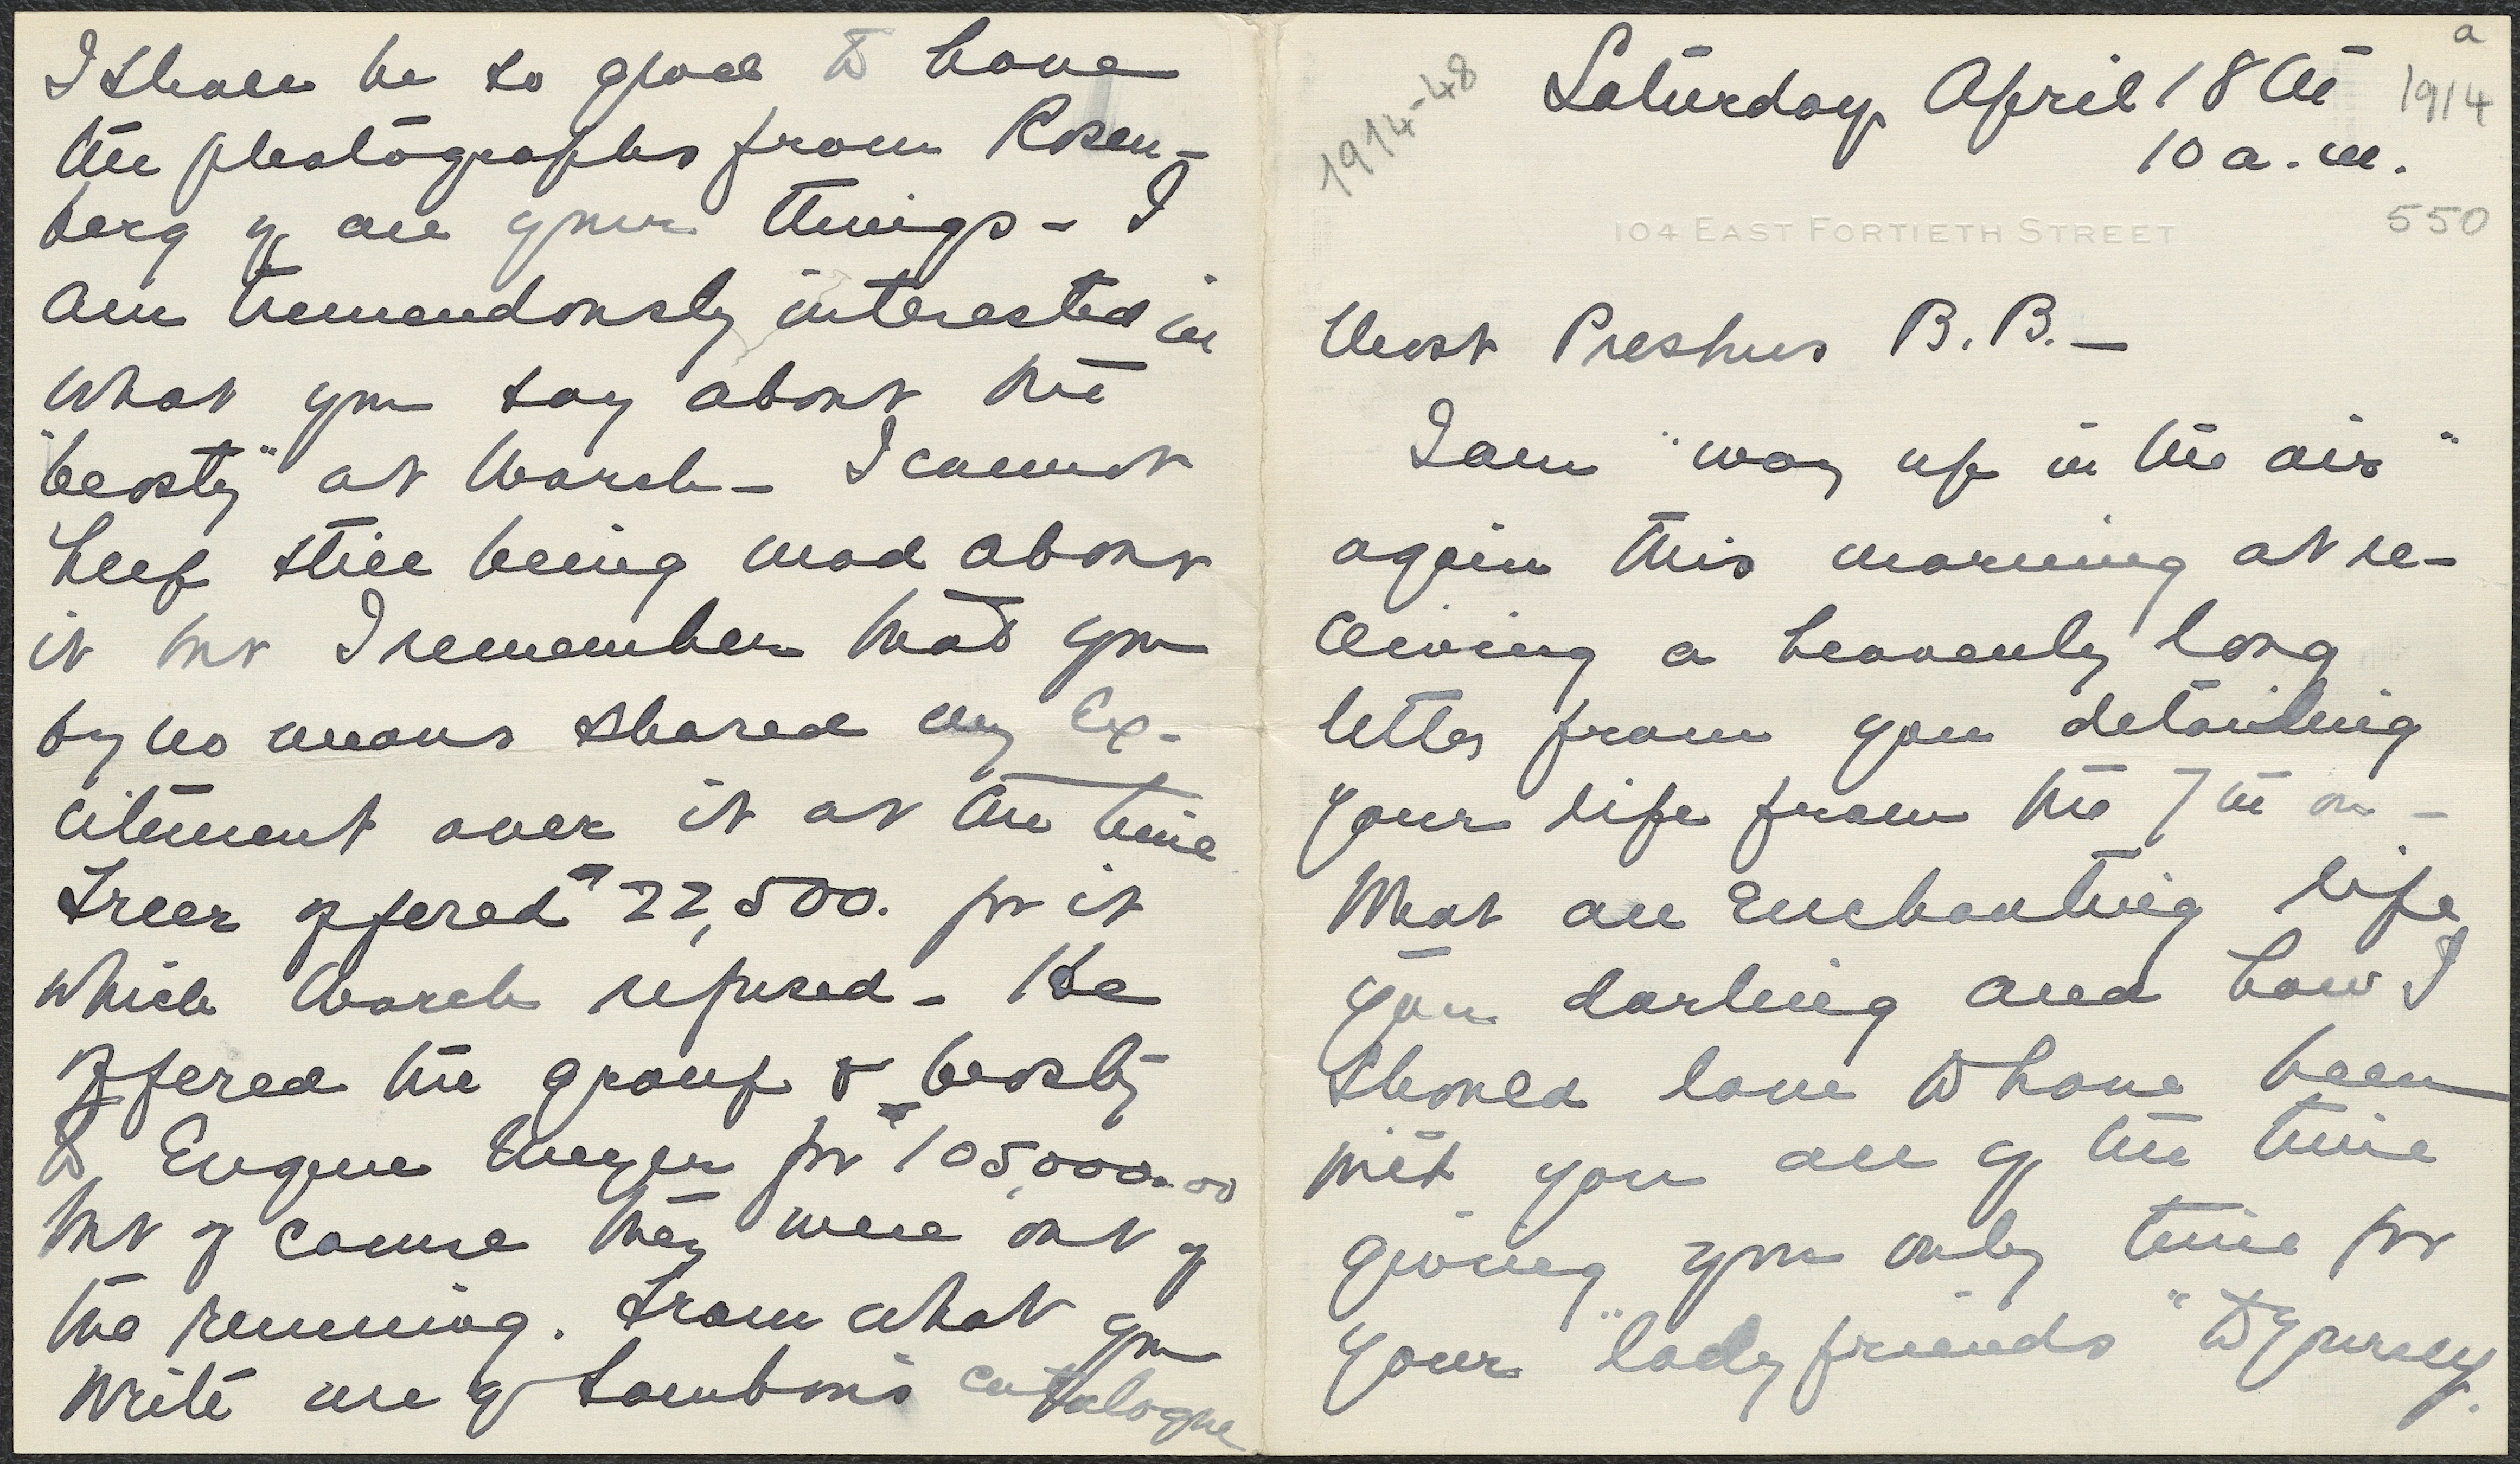Saturday April 18th
10 a.m.
Most Preshus B.B. –
I am “way up in the air” again this morning at receiving a heavenly long letter from you detailing your life from the 7th on –
What an enchanting life you darling and how I should love to have been with you all of the time giving you only time for your “lady friends” to yourself.
I shall be so glad to have the photographs from Rosenberg of all your things – I am tremendously interested in what you say about the “beasty” at Worch – I cannot help still being mad about it but I remember that you by no means shared my excitement over it at the time Freer offered $22,500. for it which Worch refused – He offered the group & beasty to Eugene Meyer for $105,000.00 but of course they were out of the running. From what you write me of Sambon’s catalogue